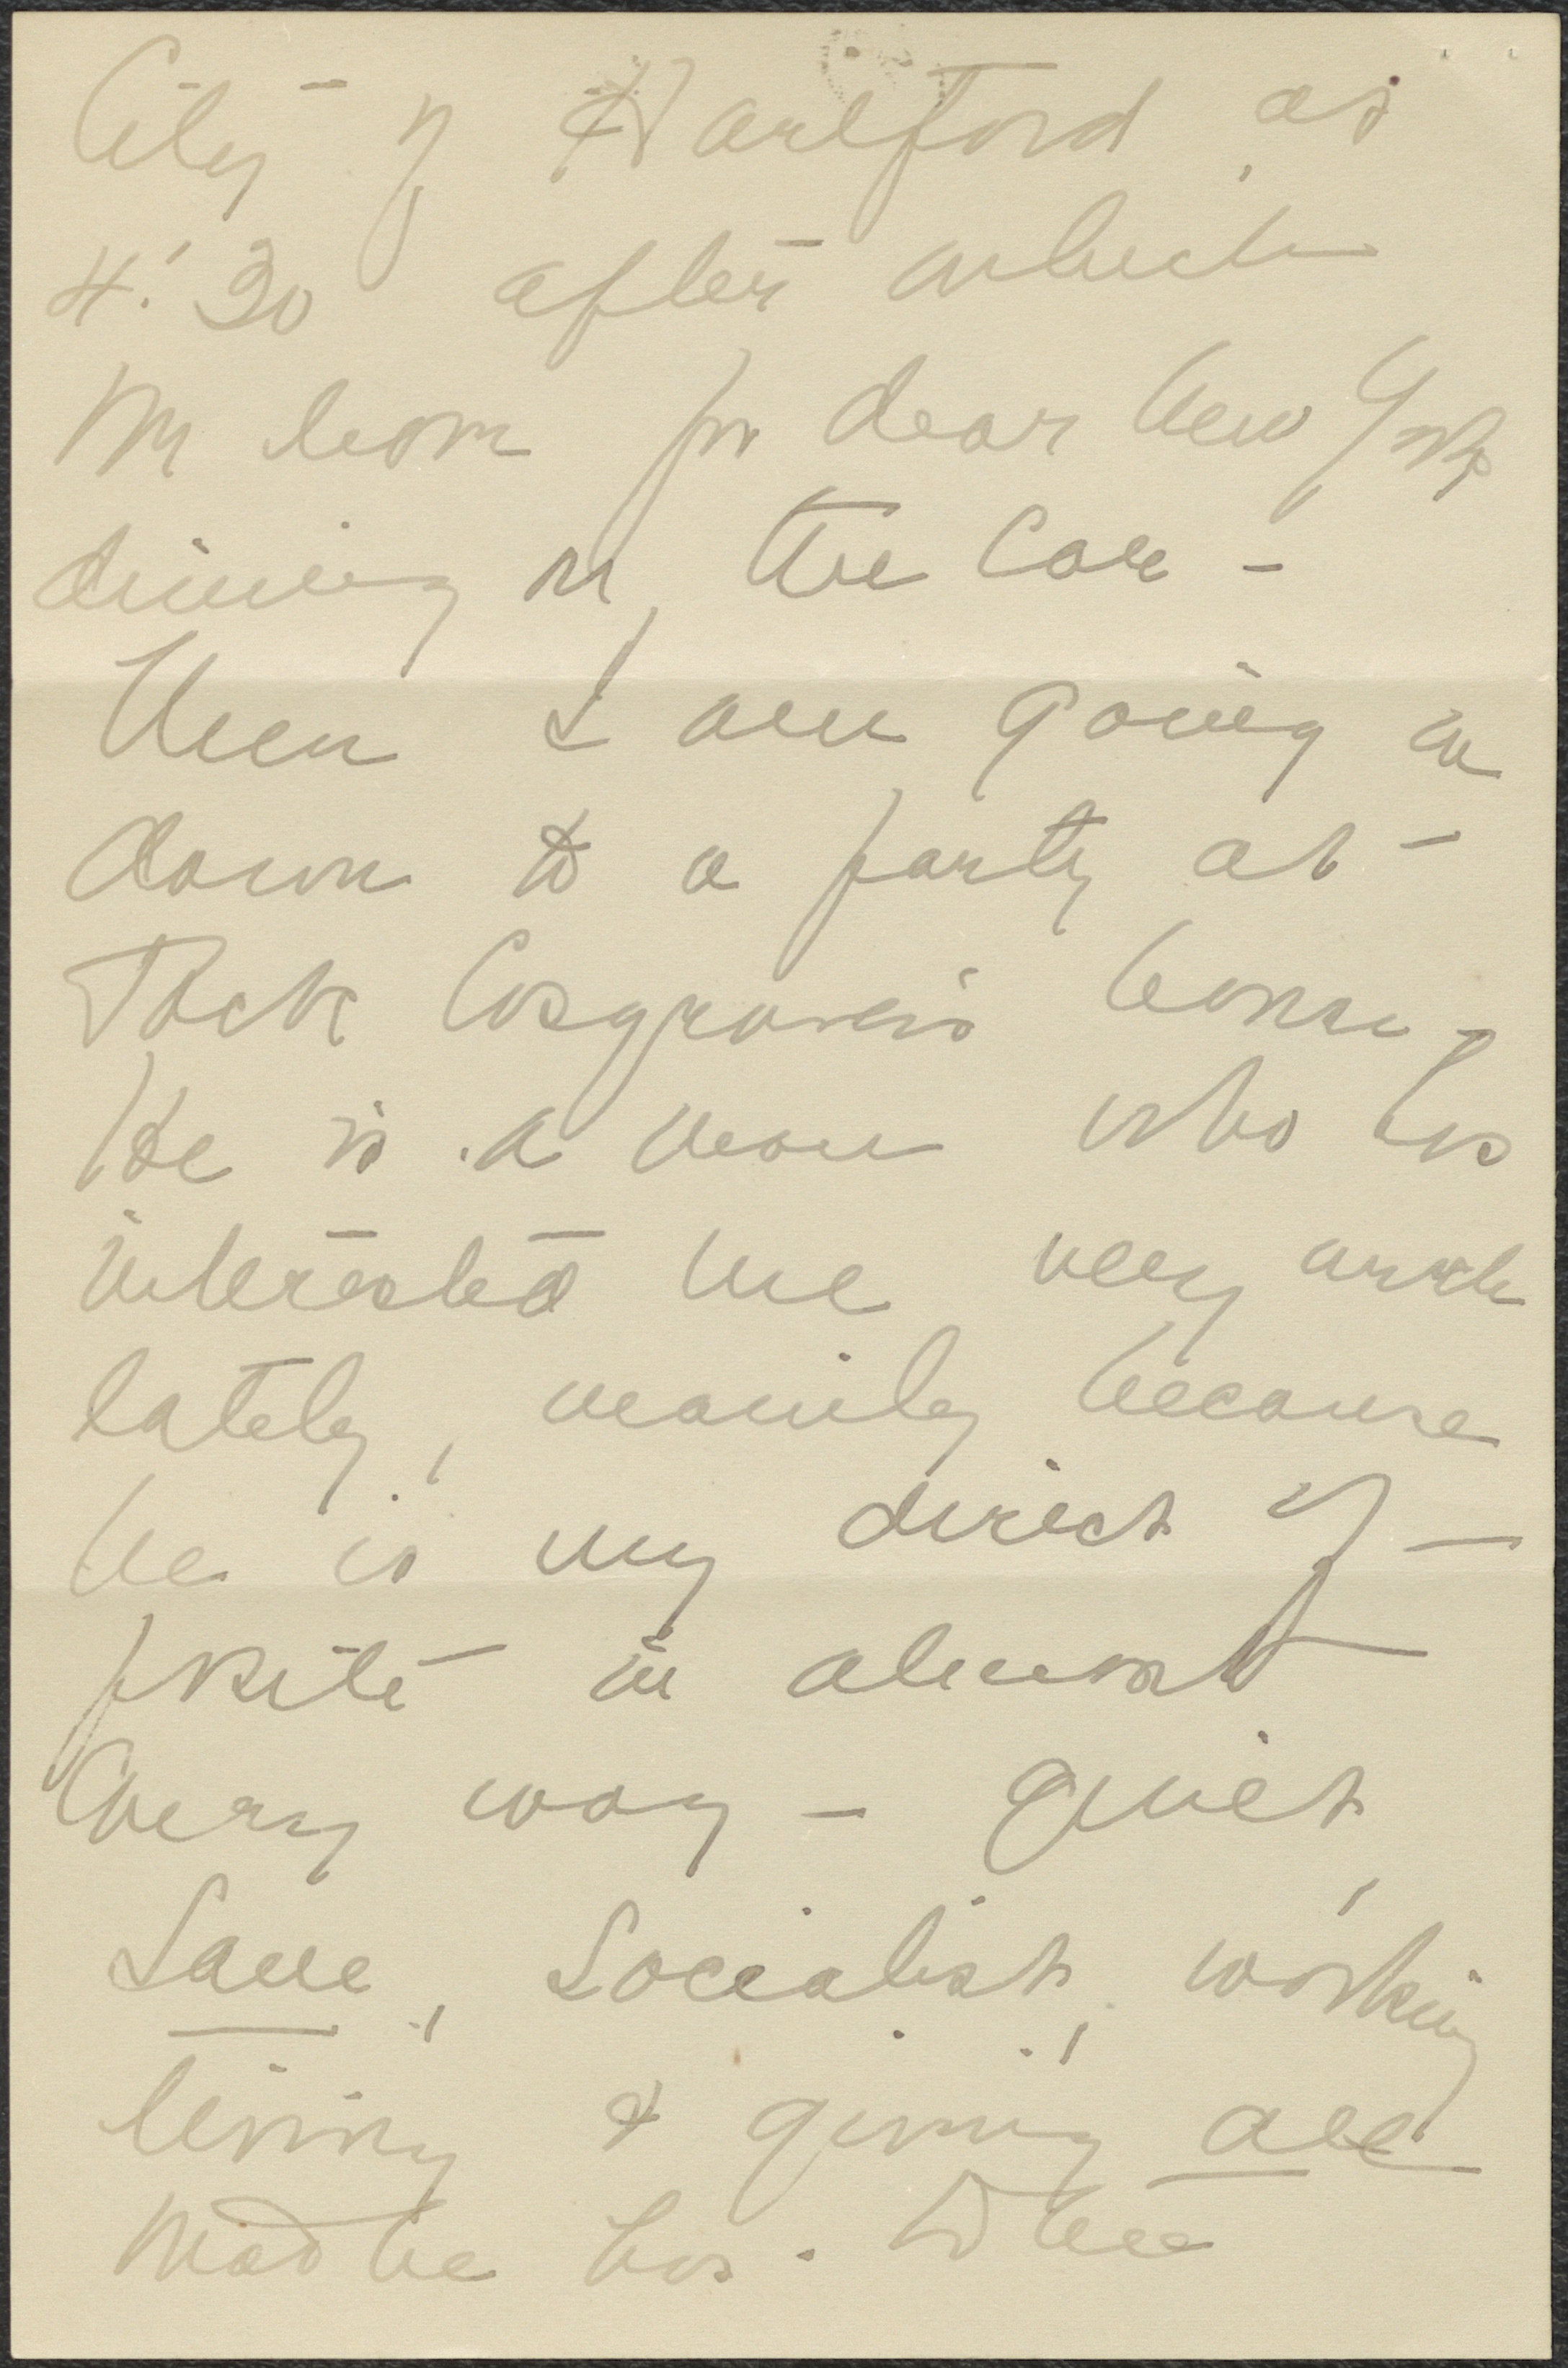City of Hartford at 4:30 after which we leave for dear New York dining on the car – Then I am going on down to a party at Jack Cosgrave’s house – He is a man who has interested me very much lately, mainly because he is my direct opposite in almost every way – quiet, sane, socialist, working living & giving all that he has to the